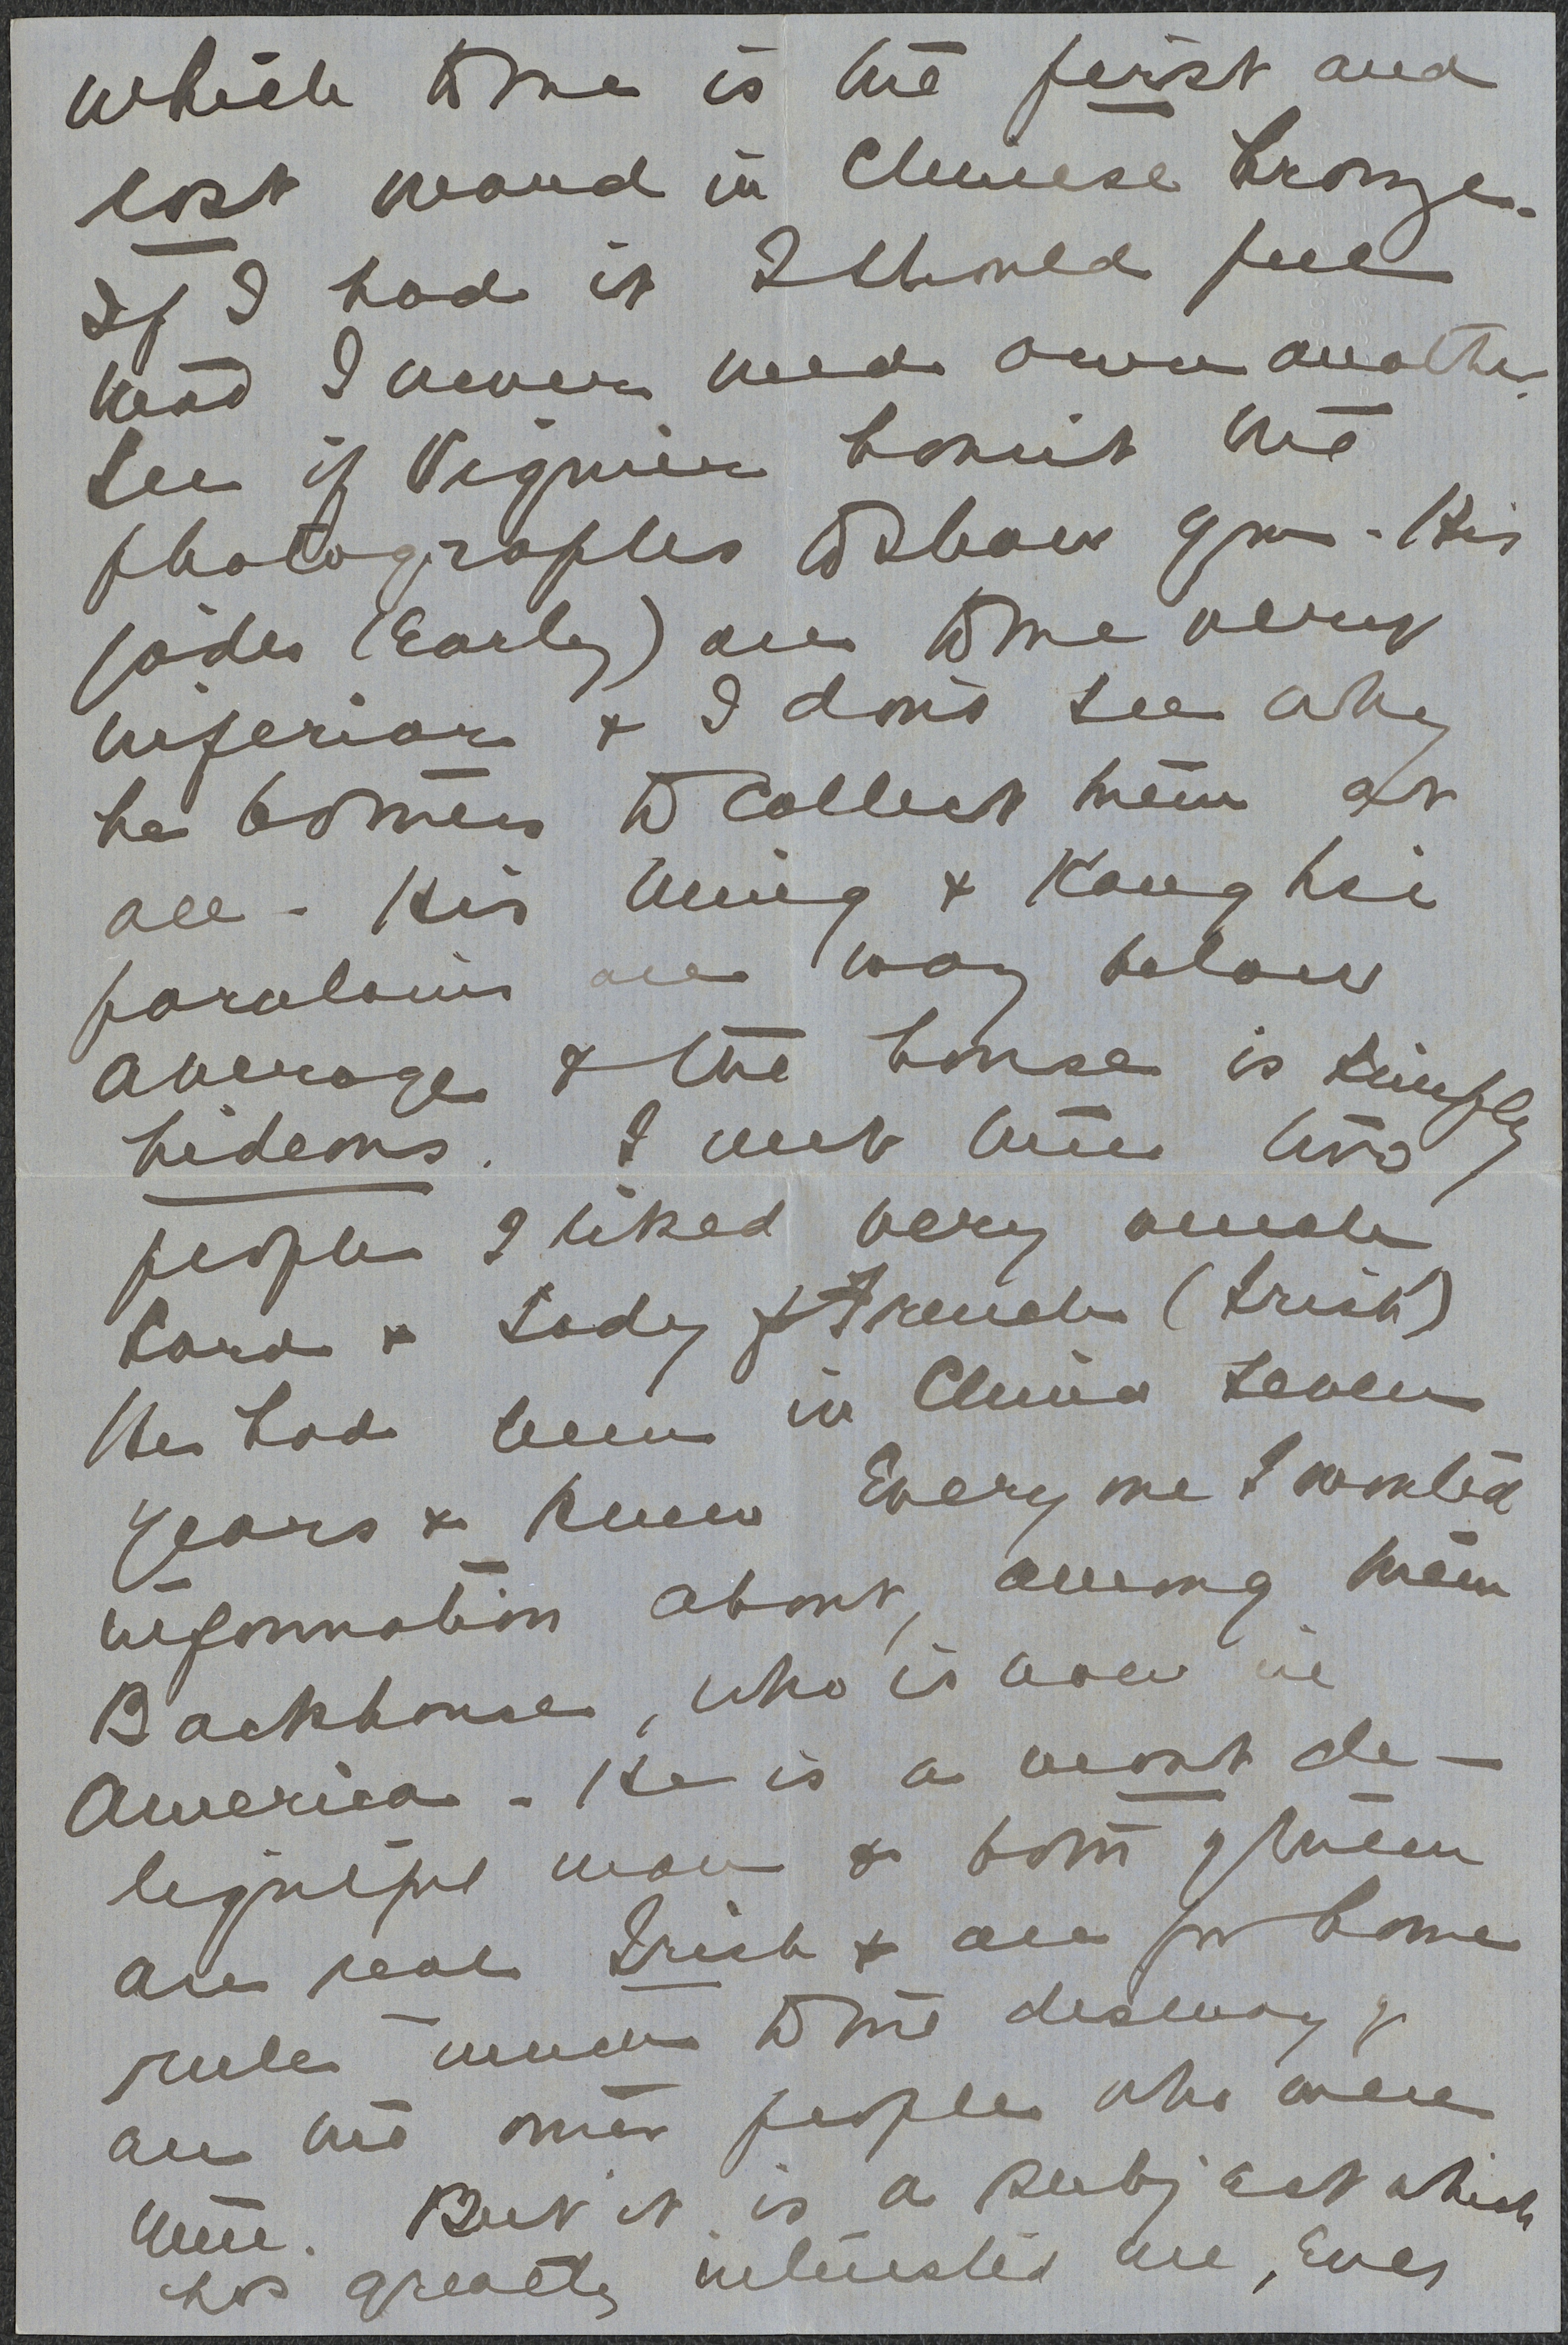which to me is the first and last word in Chinese bronze – If I had it I should feel that I never need own another. See if Vignier hasn’t the photographs to show you – His jades (early) are to me very inferior & I don’t see why he bothers to collect them at all – His Ming & Kang hsi porcelains are way below average & the house is simply hideous. I met these two people I liked very much, Lord & Lady French (Irish) He had been in China seven years & knew every one I wanted information about, among them Backhouse, who is new in America – He is a most delightful man & both of them are real Irish & are for home rule much to the dismay of all the other people who were there. But it is a subject which has greatly interested me, ever